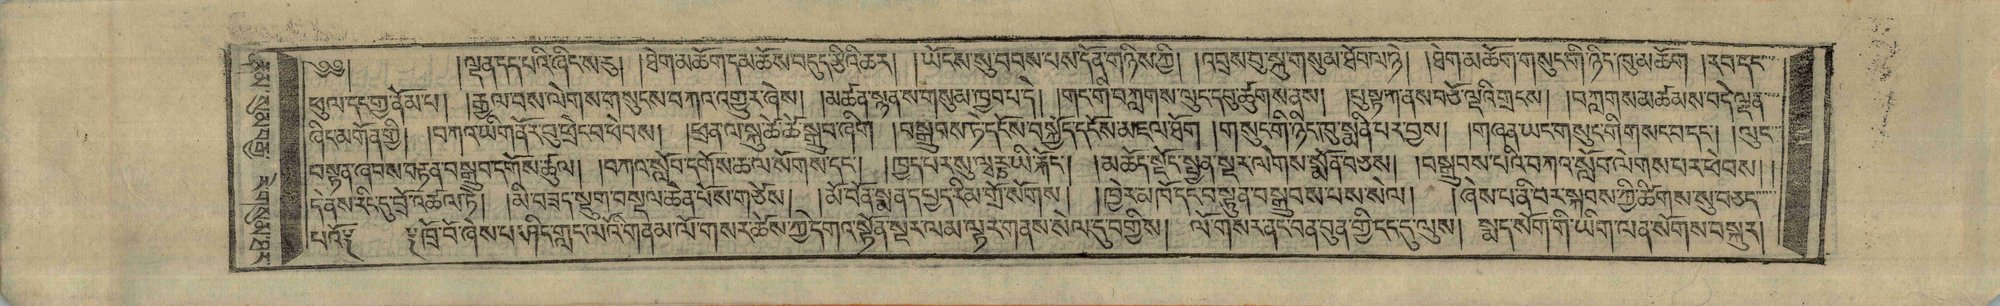༄༅། །ལྡན་དད་པའི་ཞིང་ས་རུ། །ཐེག་མཆོག་དམ་ཆོས་བདུད་རྩིའི་ཆར། །ཡོངས་སུ་བབས་པས་དོན་གཉིས་ཀྱི། །འབྲས་བུ་སྐུ་གསུམ་ཐོབ་ལ་ཉེ། །ཐེག་མཆོག་གསུང་གི་ཉིད་ཁུ་མཆོག །རབ་དང་
ཕུལ་དང་གྱ་ནོམ་པ། །རྒྱལ་བས་ལེགས་གསུངས་བཀའ་འགྱུར་ཞེས། །མཚན་སྙན་ས་གསུམ་ཁྱབ་པ་དེ། །གང་གི་བཀླགས་ལུང་དབུ་ཚུགས་ནས། །པུ་སྟ་ཀ་ནས་བཅོ་ལྔའི་གྲངས། །བཀླགས་མཚམས་བདེ་ལྡན་
ཞིང་མགོན་གྱི། །བཀའ་ཡིག་ནོར་བུ་ཕྲེང་བ་ཕེབས། །ཕྲན་ལ་སྐུ་ཚེ་ཚེ་སྒྲུབ་ཞིག །བསྒྲུབས་ཏེ་དངོས་བསྐྱོད་དངོས་མཇལ་ཐོག །གསུང་གི་ཉིད་ཁུ་སྨིན་པར་བྱས། །གཞན་ཡང་གསུང་གི་གསང་བ་དང་། །ལུང་
བསྟན་ཞབས་བརྟན་བསྒྲུབ་དགོས་ཚུལ། །བཀའ་སློབ་དགོས་ཆ་ལ་སོགས་དང་། །ཁྱད་པར་སུ་ཝརྞ་ཡི་རྐོང་། །མཆོད་སྡོང་སྤྱན་སྔར་ལེགས་སྨོན་བཅས། །བསྒྲུབས་པའི་བཀའ་སློབ་ལེགས་པར་ཕེབས། །
དེ་ནས་རིང་དུ་བྲོ་འཚལ་ཏེ། །མི་བཟད་སྡུག་བསྔལ་ཆེན་པོས་གཙེས། །མོ་བོན་སྨན་དཔྱད་རིམ་གྲོ་སོགས། །ཁྱེར་མཁོ་དང་བསྟུན་བསྒྲུབས་པས་སེལ། །ཞེས་པ་ནི་བར་སྐབས་ཀྱི་ཚིགས་སུ་བཅད་
པའོ། །ཁྲོ་བོ་ཞེས་པ་ཤིང་གླང་ལོའི་གནམ་ལོ་གསར་ཚེས་ཀྱི་དགའ་སྟོན་སྔར་ལམ་ལྟར་གནས་སེལ་དུ་བགྱིས། ལོ་གསར་ནང་བན་བུན་གྱི་ངང་དུ་ལུས། སྨད་སོག་གི་ཡིག་ལན་སོགས་བསྐུར།